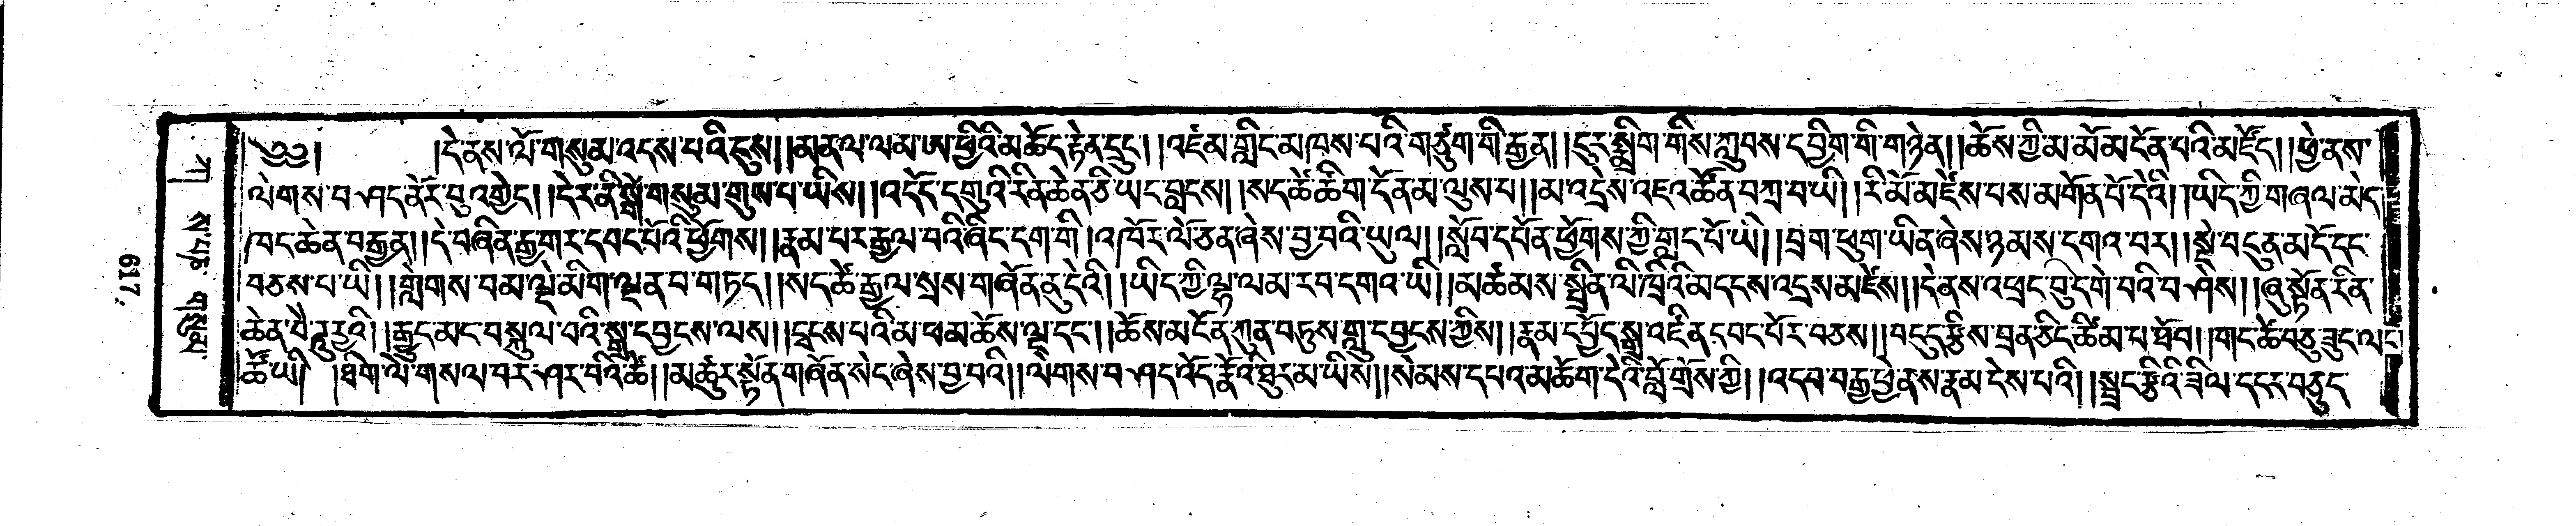༄༅། །དེ་ནས་ལོ་གསུམ་འདས་པའི་དུས། །མནལ་ལམ་ཨ་ཕྱིའི་མཆོད་རྟེན་དྲུང་། །འཛམ་གླིང་མཁས་པའི་གཙུག་གི་རྒྱན། །ངུར་སྨྲིག་གིས་ཀླུབས་དབྱིག་གི་གཉེན། །ཆོས་ཀྱི་མ་མོ་མངོན་པའི་མཛོད། །ཕྱེ་ནས་
ལེགས་བཤད་ནོར་བུ་འགྱེད། །དེར་ནི་སྒོ་གསུམ་གུས་པ་ཡིས། །འདོད་དགུའི་རིན་ཆེན་ཅི་ཡང་བླངས། །སད་ཚེ་ཚིག་དོན་མ་ལུས་པ། །མ་འདྲེས་འཇའ་ཚོན་བཀྲ་བ་ཡི། །རི་མོ་མཛེས་པས་མགོན་པོ་དེའི། །ཡིད་ཀྱི་གཞལ་མེད་
ཁང་ཆེན་བརྒྱན། །དེ་བཞིན་རྒྱ་གར་དབང་པོའི་ཕྱོགས། །རྣམ་པར་རྒྱལ་བའི་ཞིང་དག་གི །འཁོར་ལོ་ཅན་ཞེས་བྱ་བའི་ཡུལ། །སློབ་དཔོན་ཕྱོགས་གྱི་གླང་པོ་ཡི། །བྲག་ཕུག་ཡིན་ཞེས་ཉམས་དགའ་བར། །རྗེ་བཙུན་མདོ་དང་
བཅས་པ་ཡི། །གླེགས་བམ་ལྡེ་མིག་ལྡན་པ་གཏད། །སད་ཚེ་རྒྱལ་སྲས་གཞོན་ནུ་དེའི། །ཡིད་ཀྱི་ལྷ་ལམ་རབ་དགའ་ཡི། །མཚམས་སྤྲིན་ལི་ཁྲིའི་མདངས་འདྲས་མཛེས། །དེ་ནས་འཕྲང་བུ་དགེ་བའི་བཤེས། །ཞུ་སྟོན་རིན་
ཆེན་བཻ་ཌཱུརྱའི། །རྒྱུད་མང་བསྐུལ་བའི་སྒྲ་དབྱངས་ལས། །དྲངས་པའི་མ་ཕམ་ཆོས་ལྔ་དང་། །ཆོས་མངོན་ཀུན་བཏུས་གླུ་དབྱངས་ཀྱིས། །རྣམ་དཔྱོད་སྒྲ་འཛིན་དབང་པོར་བཅས། །བདུད་རྩིས་བྲན་ཅིང་ཚིམ་པ་ཐོབ། །གང་ཚེ་བཅུ་ཟུང་ལང་
ཚོ་ཡི། །ཐིག་ལེ་གསལ་བར་ཤར་བའི་ཚེ། །མཚུར་སྟོན་གཞོན་སེང་ཞེས་བྱ་བའི། །ལེགས་བཤད་འོད་རྣོའི་ཐུར་མ་ཡིས། །སེམས་དཔའ་མཆོག་དེའི་བློ་གྲོས་ཀྱི། །འདབ་བརྒྱ་ཕྱི་ནས་རྣམ་ངེས་པའི། །སྦྲང་རྩིའི་ཟིལ་དངར་བཅུད་